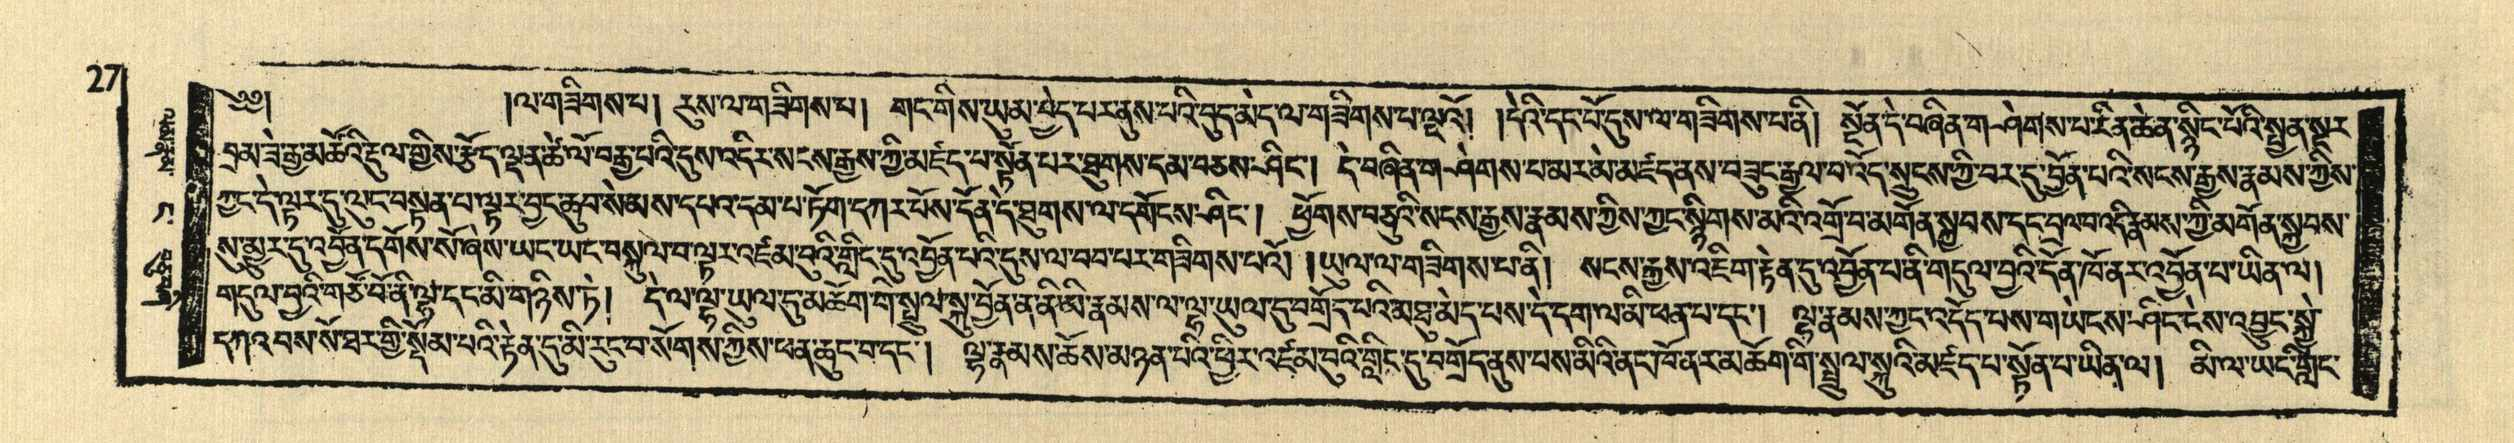༄༅། །ལ་གཟིགས་པ། རུས་ལ་གཟིགས་པ། གང་གིས་ཡུམ་བྱེད་པར་ནུས་པའི་བུད་མེད་ལ་གཟིགས་པ་ལྔའོ། །དེའི་དང་པོ་དུས་ལ་གཟིགས་པ་ནི། སྔོན་དེ་བཞིན་གཤེགས་པ་རིན་ཆེན་སྙིང་པོའི་སྤྱན་སྔར་
བྲམ་ཟེ་རྒྱ་མཚོའི་རྡུལ་གྱིས་རྩོད་ལྡན་ཚེ་ལོ་བརྒྱ་པའི་དུས་འདིར་སངས་རྒྱས་ཀྱི་མཛད་པ་སྟོན་པར་ཐུགས་དམ་བཅས་ཤིང་། དེ་བཞིན་གཤེགས་པ་མར་མེ་མཛད་ནས་བཟུང་རྒྱལ་བ་འོད་སྲུངས་ཀྱི་བར་དུ་བྱོན་པའི་སངས་རྒྱས་རྣམས་ཀྱིས་
ཀྱང་དེ་ལྟར་དུ་ལུང་བསྟན་པ་ལྟར་བྱང་ཆུབ་སེམས་དཔའ་དམ་པ་ཏོག་དཀར་པོས་དོན་དེ་ཐུགས་ལ་དགོངས་ཤིང་། ཕྱོགས་བཅུའི་སངས་རྒྱས་རྣམས་ཀྱིས་ཀྱང་སྙིགས་མའི་འགྲོ་བ་མགོན་སྐྱབས་དང་བྲལ་བ་འདི་རྣམས་ཀྱི་མགོན་སྐྱབས་
སུ་མྱུར་དུ་འབྱོན་དགོས་སོ་ཞེས་ཡང་ཡང་བསྐུལ་བ་ལྟར་འཛམ་བུའི་གླིང་དུ་འབྱོན་པའི་དུས་ལ་བབ་པར་གཟིགས་པའོ། །ཡུལ་ལ་གཟིགས་པ་ནི། སངས་རྒྱས་འཇིག་རྟེན་དུ་འབྱོན་པ་ནི་གདུལ་བྱའི་དོན་ཁོ་ནར་འབྱོན་པ་ཡིན་ལ།
གདུལ་བྱའི་གཙོ་བོ་ནི་ལྷ་དང་མི་གཉིས་ཏེ། དེ་ལ་ལྷ་ཡུལ་དུ་མཆོག་གི་སྤྲུལ་སྐུ་བྱོན་ན་ནི་མི་རྣམས་ལ་ལྷ་ཡུལ་དུ་བགྲོད་པའི་མཐུ་མེད་པས་དེ་དག་ལ་མི་ཕན་པ་དང་། ལྷ་རྣམས་ཀྱང་འདོད་པས་གཡེངས་ཤིང་ངེས་འབྱུང་སྐྱེ་
དཀའ་བས་སོ་ཐར་གྱི་སྡོམ་པའི་རྟེན་དུ་མི་རུང་བ་སོགས་ཀྱིས་ཕན་ཆུང་བ་དང་། ལྷ་རྣམས་ཆོས་མཉན་པའི་ཕྱིར་འཛམ་བུའི་གླིང་དུ་བགྲོད་ནུས་པས་མིའི་ནང་ཁོ་ནར་མཆོག་གི་སྤྲུལ་སྐུའི་མཛད་པ་སྟོན་པ་ཡིན་ལ། མི་ལ་ཡང་གླིང་